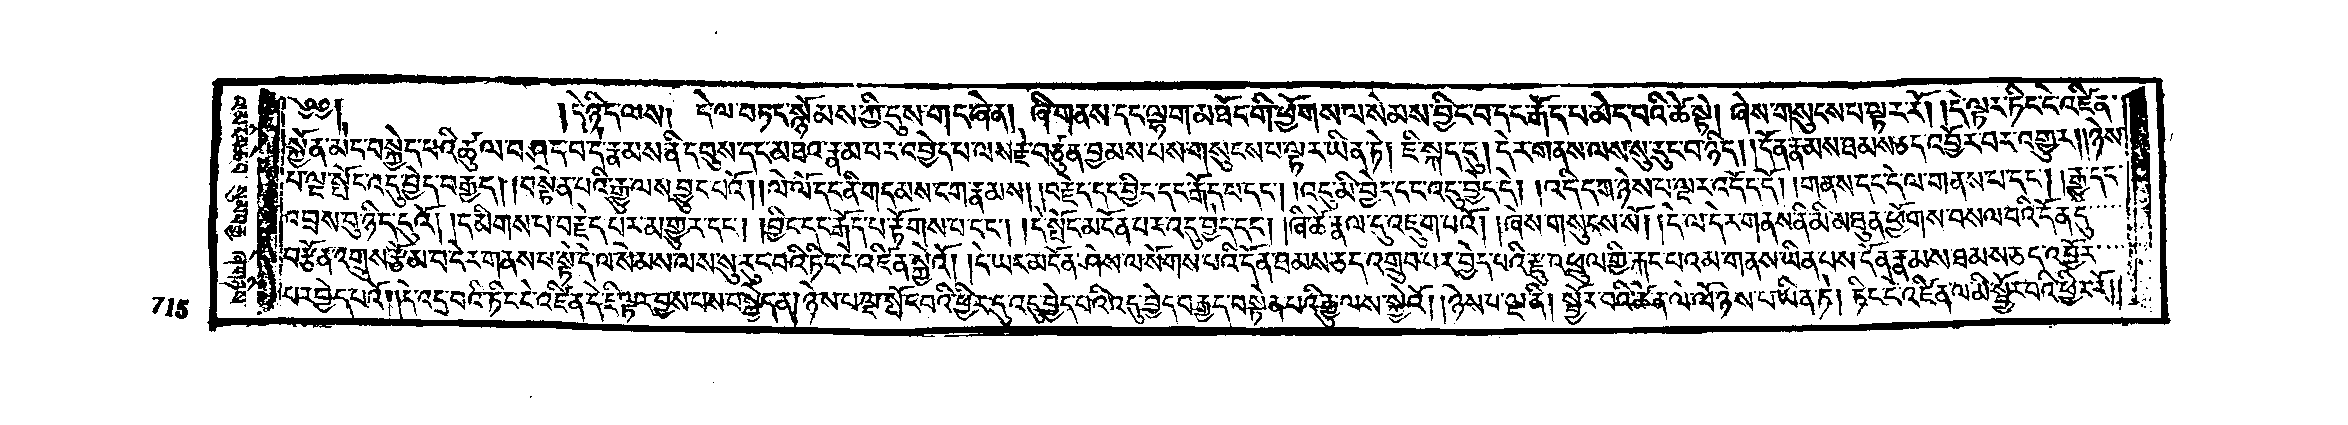༄༅། །དེ་ཉིད་ལས། དེ་ལ་བཏང་སྙོམས་ཀྱི་དུས་གང་ཞེ་ན། ཞི་གནས་དང་ལྷག་མཐོང་གི་ཕྱོགས་ལ་སེམས་བྱིང་བ་དང་རྒོད་པ་མེད་པའི་ཚེ་སྟེ། ཞེས་གསུངས་པ་ལྟར་རོ། །དེ་ལྟར་ཏིང་ངེ་འཛིན་
སྐྱོན་མེད་བསྐྱེད་བའི་ཚུལ་བཤད་པ་དེ་རྣམས་ནི་དབུས་དང་མཐའ་རྣམ་པར་འབྱེད་པ་ལས་རྗེ་བཙུན་བྱམས་པས་གསུངས་པ་ལྟར་ཡིན་ཏེ། ཇི་སྐད་དུ། དེར་གནས་ལས་སུ་རུང་བ་ཉིད། །དོན་རྣམས་ཐམས་ཅད་འབྱོར་པར་འགྱུར། །ཉེས་
པ་ལྔ་སྤོང་འདུ་བྱེད་བརྒྱད། །བསྟེན་པའི་རྒྱུ་ལས་བྱུང་བའོ། །ལེ་ལོ་དང་ནི་གདམས་ངག་རྣམས། །བརྗེད་དང་བྱིང་དང་རྒོད་པ་དང་། །འདུ་མི་བྱེད་དང་འདུ་བྱེད་དེ། །འདི་དག་ཉེས་པ་ལྔར་འདོད་དོ། །གནས་དང་དེ་ལ་གནས་པ་དང་། །རྒྱུ་དང་
འབྲས་བུ་ཉིད་དུའོ། །དམིགས་པ་བརྗེད་པར་མ་གྱུར་དང་། །བྱིང་དང་རྒོད་པ་རྟོགས་པ་དང་། །དེ་སྤོང་མངོན་པར་འདུ་བྱེད་དང་། །ཞི་ཚེ་རྣལ་དུ་འཇུག་པའོ། །ཞེས་གསུངས་སོ། །དེ་ལ་དེར་གནས་ནི་མི་མཐུན་ཕྱོགས་བསལ་བའི་དོན་དུ་
བརྩོན་འགྲུས་རྩོམ་པ་དེར་གནས་པ་སྟེ་དེ་ལ་སེམས་ལས་སུ་རུང་བའི་ཏིང་ངེ་འཛིན་སྐྱེའོ། །དེ་ཡང་མངོན་ཤེས་ལ་སོགས་པའི་དོན་ཐམས་ཅད་འགྲུབ་པར་བྱེད་པའི་རྫུ་འཕྲུལ་གྱི་རྐང་པའམ་གནས་ཡིན་པས་དོན་རྣམས་ཐམས་ཅད་འབྱོར་
བར་བྱེད་པའོ། །དེ་འདྲ་བའི་ཏིང་ངེ་འཛིན་དེ་ཇི་ལྟར་བྱས་པས་བསྐྱེད་ན། ཉེས་པ་ལྔ་སྤོང་བའི་ཕྱིར་དུ་འདུ་བྱེད་པའི་འདུ་བྱེད་བརྒྱད་བསྟེན་པའི་རྒྱུ་ལས་སྐྱེའོ། །ཉེས་པ་ལྔ་ནི། སྦྱོར་བའི་ཚེ་ན་ལེ་ལོ་ཉེས་པ་ཡིན་ཏེ། ཏིང་ངེ་འཛིན་ལ་མི་སྦྱོར་བའི་ཕྱིར་རོ། །